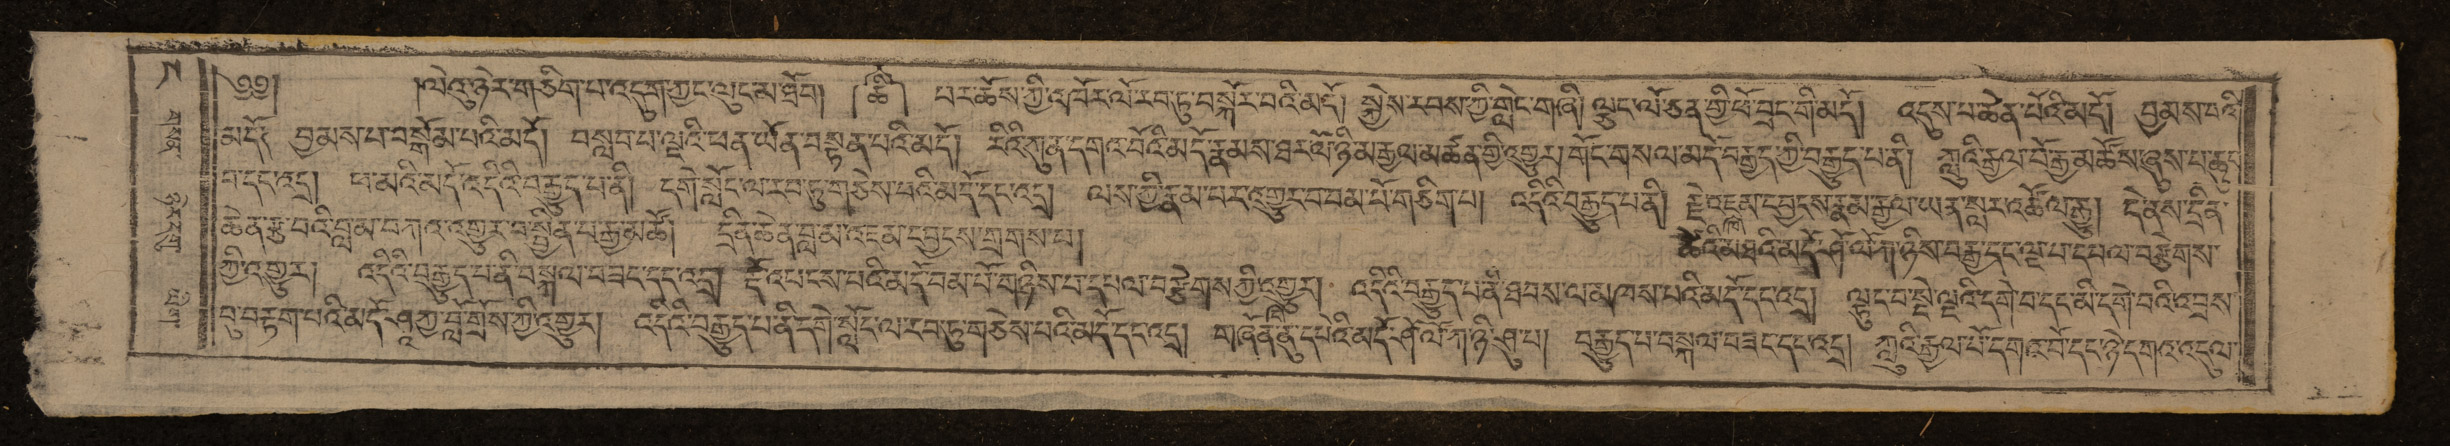༄༅། །ལེའུ་ཉེར་གཅིག་པ་འདུག་ཀྱང་ལུང་མ་ཐོག་{ཆི}་པར་ཆོས་ཀྱི་འཁོར་ལོ་རབ་ཏུ་བསྐོར་བའི་མདོ། སྐྱེས་རབས་ཀྱི་གླེང་གཞི། ལྕང་ལོ་ཅན་གྱི་ཕོ་བྲང་གི་མདོ། འདུས་པ་ཆེན་པོའི་མདོ། བྱམས་པའི་
མདོ༑ བྱམས་པ་བསྒོམ་པའི་མདོ། བསླབ་པ་ལྔའི་ཕན་ཡོན་བསྟན་པའི་མདོ། རིའི་ཀུན་དགའ་བོའི་མདོ་རྣམས་ཐར་ལོ་ཉི་མ་རྒྱལ་མཚན་གྱི་འགྱུར། གོང་གསལ་མདོ་བརྒྱད་ཀྱི་བརྒྱུད་པ་ནི། ཀླུའི་རྒྱལ་པོ་རྒྱ་མཚོས་ཞུས་པ་ཆུང་
བ་དང་འདྲ། ཕ་མའི་མདོ་འདིའི་བརྒྱུད་པ་ནི། དགེ་སློང་ལ་རབ་ཏུ་གཅེས་པའི་མདོ་དང་འདྲ། ལས་ཀྱི་རྣམ་པར་འགྱུར་བ་བམ་པོ་གཅིག་པ། འདིའི་བརྒྱུད་པ་ནི། རྗེ་འཇམ་དབྱངས་རྣམ་རྒྱལ་ཡན་སླར་འཚོལ་རྒྱུ། དེ་ནས་དྲིན་
ཆེན་རྩ་བའི་བླ་མ་བཀའ་འགྱུར་བ་སྦྱིན་པ་རྒྱ་མཚོ། དྲིན་ཆེན་བླ་མ་འཇམ་དབྱངས་གྲགས་པ། ཚེའི་མཐའ་མདོ་ཤོ་ལོ་ཀ་ཉིས་བརྒྱ་དང་ལྔ་པ་དཔལ་བརྩེགས་
ཀྱི་འགྱུར། འདིའི་བརྒྱུད་པ་ནི་བསྐལ་བཟང་དང་འདྲ། རྡོ་འཕངས་པའི་མདོ་བམ་པོ་གཉིས་པ་དཔལ་བརྩེགས་ཀྱི་འགྱུར། འདིའི་བརྒྱུད་པ་ནི་ཐབས་ལ་མཁས་པའི་མདོ་དང་འདྲ། ལྟུང་བ་སྡེ་ལྔའི་དགེ་བ་དང་མི་དགེ་བའི་འབྲས་
བུ་བརྟག་པའི་མདོ་ཤཱཀྱ་བློ་གྲོས་ཀྱི་འགྱུར། འདིའི་བརྒྱུད་པ་ནི་དགེ་སློང་ལ་རབ་ཏུ་གཅེས་པའི་མདོ་དང་འདྲ། གཞོན་ནུ་དཔེའི་མདོ་ཤོ་ལོ་ཀ་ཉི་ཤུ་པ། བརྒྱུད་པ་བསྐལ་བཟང་དང་འདྲ། ཀླུའི་རྒྱལ་པོ་དགའ་བོ་དང་ཉེ་དགའ་འདུལ་